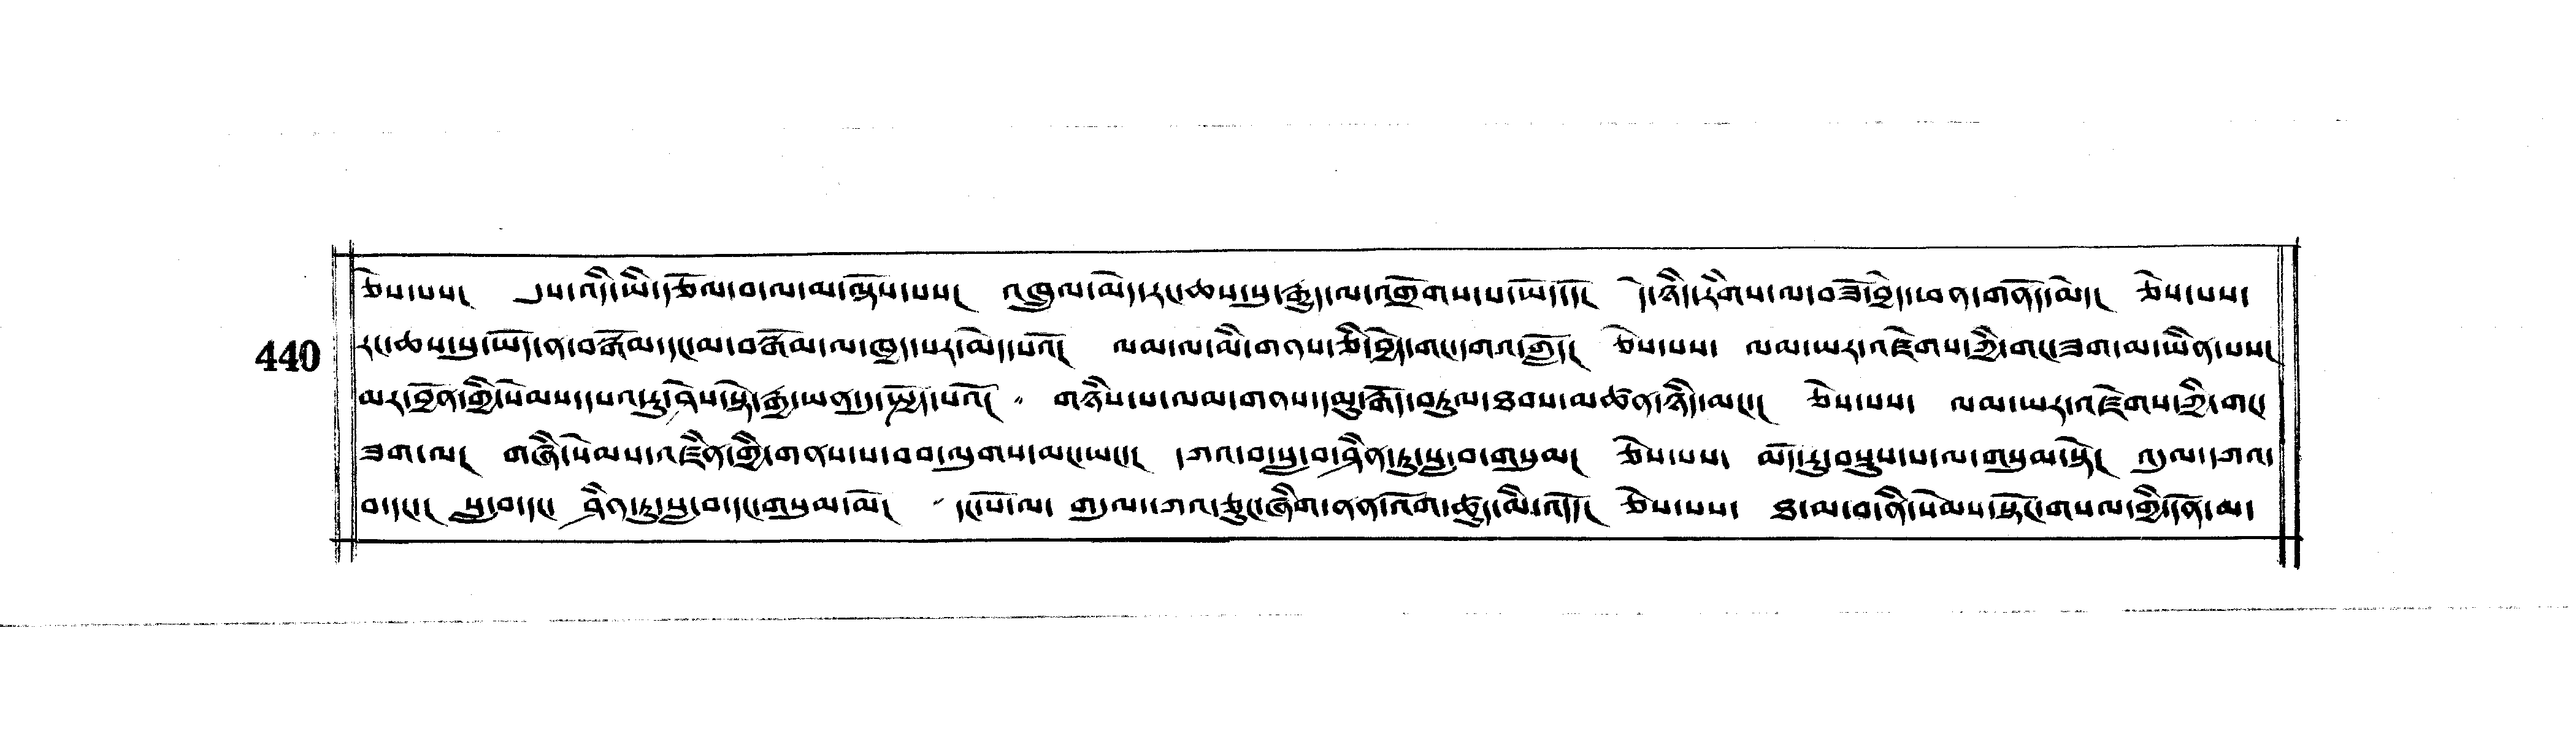ཅེས་པས། དུས་འདི་ཡི་རྩོལ་བ་ལ་མ་ལྟོས་པས། འཁྲུལ་མེད་རང་ཆས་སུ་རྒྱུད་ལ་འགྲོགས་པ་ཡོད་དོ། དེ་ཉིད་རིགས་ལ་བཟོ་བྱེད་ཕན་གནོད་མེད། ཅེས་པས། 
རང་ཆས་སུ་ཡོད་ན་བསྒོམ་དང་མ་བསྒོམ་ལ་ཁྱད་པར་མེད་པའོ། ལམ་ལ་མི་གནས་ཅི་བྱེད་གང་དགའ་གློད། ཅེས་པས། ལམ་ཡར་འཛེགས་ཀྱི་གང་ཟག་མ་ཡིན་པས། 
མར་བྱོན་གྱི་སེམས་དཔའ་རུ་ཤེས་ཏེ་རྒྱ་ཡན་དུ་སྤྱོད་པའོ། གཉིས་པ་ལམ་གནས་དམུ་རྒོད་བཏུལ་ཐབས་མཚན་ཉིད་མང་། ཅེས་པས། ལམ་ཡར་འཛེགས་ཀྱི་གང་
ཟག་ལ། གཞི་སེམས་འཛིན་གྱི་གནས་པ་བབས་ལུགས་མང་ཡང་། དཀའ་བ་སླ་བ་ཤིན་ཏུ་སླ་བ་གསུམ། ཅེས་པས། མདོ་རུ་བསྡུས་པ་ལ་གསུམ་སྟེ། གདུལ་དཀའ་
བ་དང་སླ་བ་དང་ཤིན་ཏུ་སླ་བ་དང་གསུམ་མོ། དང་པོ་ལ། གདུལ་དཀའ་ཅུང་ཞིག་ནན་འོག་ཚུད་མི་འདོད། ཅེས་པས། ཐ་མ་བ་ནི་སེམས་སྟོང་གསལ་གྱི་དོན་མ་